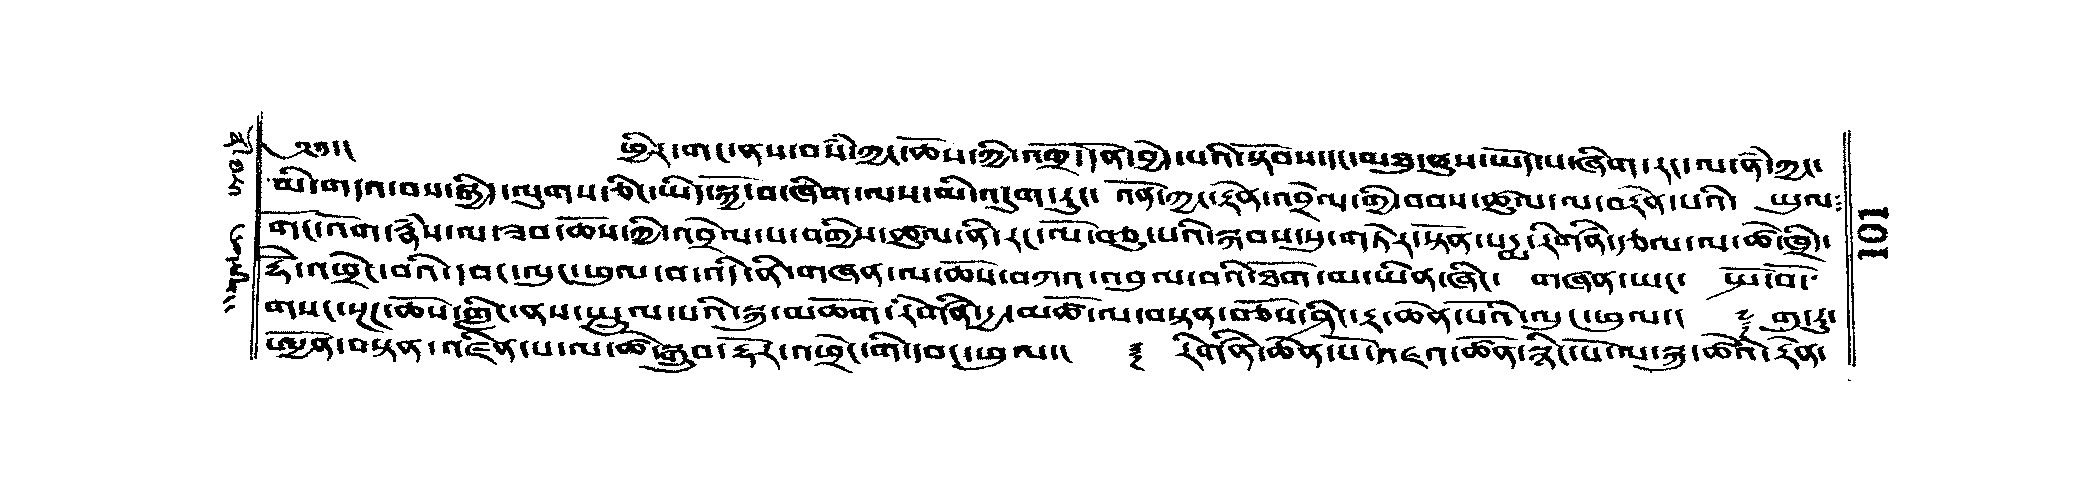ཕྱིར་གང་ནས་བསམ་ཀྱང་ཆོས་ཀྱི་འགྲོ་དོན་བྱེད་པའི་སྟོབས་དང་མཐུ་ནུས་ཡོད་པ་ཞིག་རང་ལ་ནམ་ཡང་
མི་གདའ་བས་སྒྱིད་ལུག་ཅིང་ཡིད་སྐྱོ་བ་ཞིག་ལས་མི་འདུག་རུང་། འོན་ཀྱང་རྟེན་འབྲེལ་གྱི་བབས་ཚུལ་ལ་བརྟེན་པའི། ཡུལ་
གོང་འོག་རྣམས་ལ་ཟབ་ཆོས་ཀྱི་འབྲེལ་པ་བགྱིས་ཚུལ་ནི་རང་ལོ་བཅུའི་སྐབས་སུ་གཏེར་སྟོན་པདྨ་རིག་འཛིན་རྩལ་ལ་ཚེ་ཁྲིད་
རྡོ་རྗེ་འཕྲེང་བའི་དབང་ལུང་ཕུལ་བ་འདི་ནི་གཞན་ལ་ཆོས་བཀའ་འབུལ་བའི་ཐོག་མ་ཡིན་ཞིང་། གཞན་ཡང་། སྤོ་བོ་
གསང་སྔགས་ཆོས་གླིང་ནས་སྤྲུལ་པའི་སྐུ་མཆོག་རིག་འཛིན་རྒྱ་མཚོ་ལ་བསྟན་བཅོས་ཤིང་རྟ་ཆེན་པོའི་ལུང་ཕུལ། གུ་རུ་
ཨོ་རྒྱན་བསྟན་འཛིན་པ་ལ་ཚེ་སྒྲུབ་རྡོར་འཕྲེང་གི་དབང་ཕུལ། རིག་འཛིན་ཆེན་པོ་འཇའ་ཚོན་སྙིང་པོ་ལ་སྐུ་ཚེའི་རྟེན་